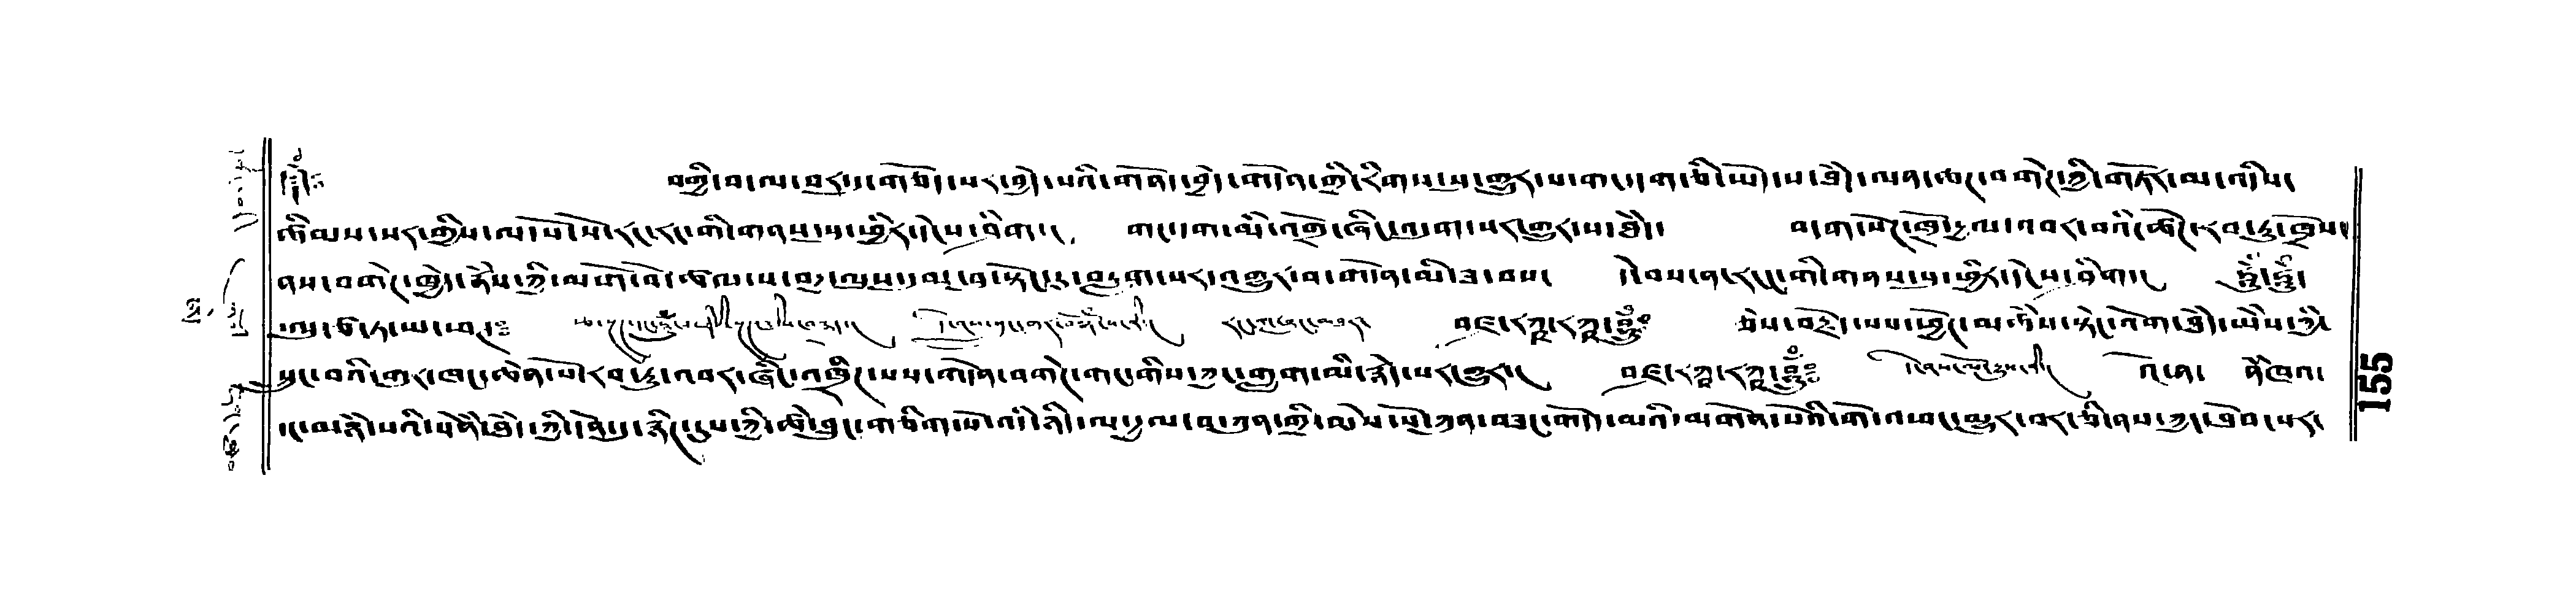བགྱི་བ་ལ་བར་དུ་གཅོད་པར་བྱེད་པའི་གདོན་གྱི་རིགས་སུ་གྱུར་པ་གང་དག་ཅི་ཡོད་པ་ཐམས་ཅད་ལན་ཆགས་བགེགས་ཀྱི་གཏོར་མ་འདིས་
ཚིམས་པར་གྱིས་ལ་སོ་སོ་རང་རང་གི་གནས་སུ་ཕྱིར་དེངས་ཤིག གང་དག་མི་འགྲོ་ཞིང་འདུག་པར་གྱུར་པ་ཐམས་ཅད་བདག་སོགས་ཁྲོ་རྒྱལ་འབར་བའི་ཚོགས་རབ་ཏུ་ཁྲོས་
ནས་བགེགས་ཁྱེད་རྣམས་ཀྱི་མགོ་བོ་ཚལ་པ་བརྒྱ་ལུས་དུམ་བུ་སྟོང་དུ་བརླག་པར་འགྱུར་བ་གདོན་མི་ཟ་བས།དེ་བས་ན་རང་རང་གི་གནས་སུ་ཕྱིར་དེངས་ཤིག ཧཱུྃ་ཧཱུྃ་
ཨུ་ཙ་ཏ་ཡ་ཕཊ། རྩ་སྔགས་དང་ཧཱུྃ་བཞིའི་སྔགས་ཀྱིས་བསྐྲད། དེ་ནས་སྲུང་གུར་སྒོམ་པ་ནི། རང་གཞུང་མཐར། བཛྲ་རཀྵ་རཀྵ་བྷྲུྃ། ཞེས་བརྗོད་པས་ཕྱོགས་མཚམས་སྟེང་འོག་ཐམས་ཅད་ཡེ་ཤེས་ཀྱི་
སྲུང་བའི་གུར་ཁང་ཆེན་པོ་རབ་ཏུ་འབར་ཞིང་འཁྲིགས་པས་གདོན་བགེགས་གང་གིས་ཀྱང་གླགས་མི་རྙེད་པར་གྱུར། བཛྲ་རཀྵ་རཀྵ་བྷྲཱུྃ༔ དེ་ནས་ལོ་རྒྱུས་ནི། འོ་ན། ནམ་མཁའ་
དང་མཉམ་པའི་སེམས་ཅན་ཐམས་ཅད་ཀྱི་དོན་དུ་སྙིགས་དུས་ཀྱི་ཚེ་ཐུང་གཅིག་པོ་འདི་ཉིད་ལ་རྒྱལ་བ་ཀུན་གྱི་མེས་པོ་ཀུན་བཟང་གདོད་མའི་མགོན་པོའི་གོ་འཕང་མྱུར་བར་ཅི་ནས་ཀྱང་འཐོབ་པར་